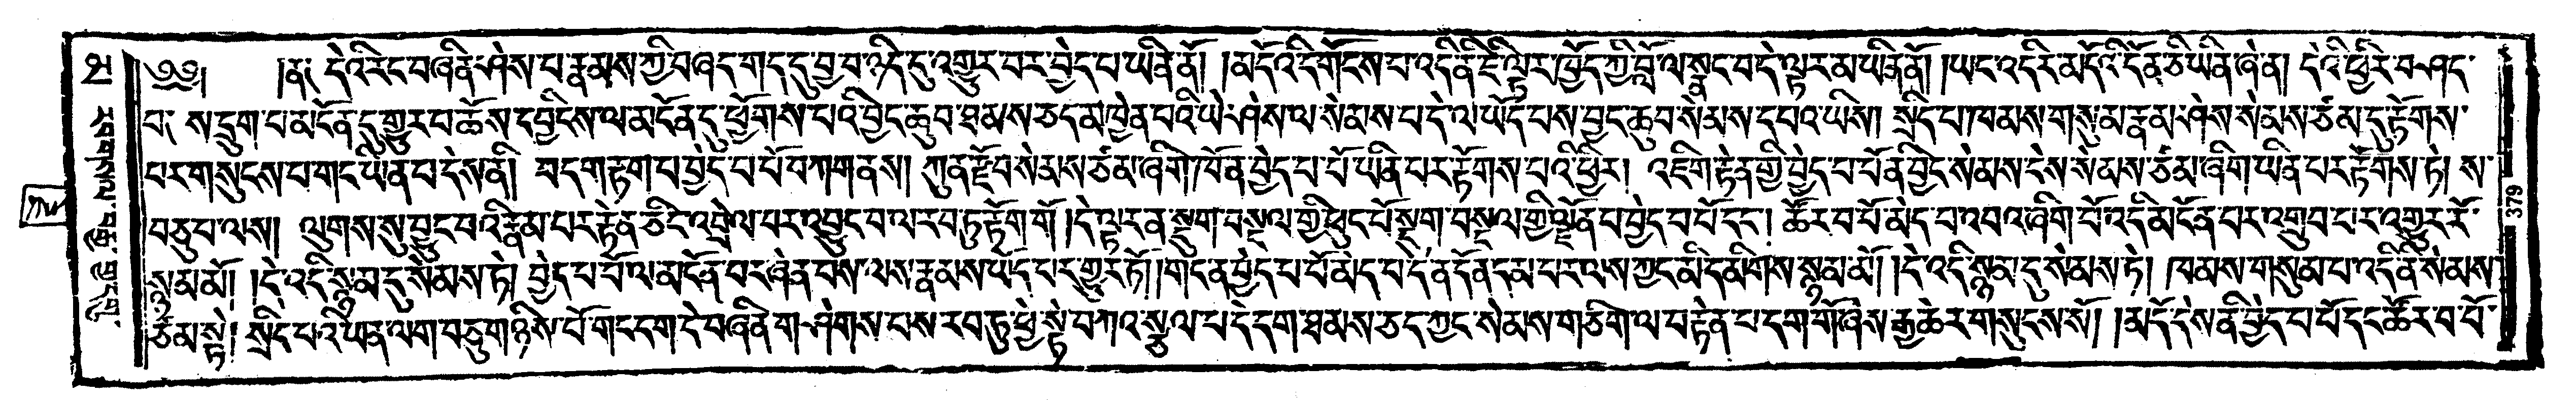༄༅། །ན༑ དེའི་རང་བཞིན་ཤེས་པ་རྣམས་ཀྱི་བཞད་གད་དུ་བྱ་བ་ཉིད་དུ་འགྱུར་བར་བྱེད་པ་ཡིན་ནོ། །མདོའི་དགོངས་པ་འདི་ནི་ཇི་ལྟར་ཁྱོད་ཀྱི་བློ་ལ་སྣང་བ་དེ་ལྟར་མ་ཡིན་ནོ། །ཡང་འདིར་མདོའི་དོན་ཅི་ཡིན་ཞེ་ན། དེའི་ཕྱིར་བཤད་
པ༑ ས་དྲུག་པ་མངོན་དུ་གྱུར་པ་ཆོས་དབྱིངས་ལ་མངོན་དུ་ཕྱོགས་པའི་བྱང་ཆུབ་ཐམས་ཅད་མཁྱེན་པའི་ཡེ་ཤེས་ལ་སེམས་པ་དེ་ལ་ཡོད་པས་བྱང་ཆུབ་སེམས་དཔའ་ཡིས། སྲིད་པ་ཁམས་གསུམ་རྣམ་ཤེས་སེམས་ཙམ་དུ་རྟོགས་
པར་གསུངས་པ་གང་ཡིན་པ་དེས་ནི། བདག་རྟག་པ་བྱེད་པ་པོ་བཀག་ནས། ཀུན་རྫོབ་སེམས་ཙམ་ཞིག་ཁོ་ན་བྱེད་པ་པོ་ཡིན་པར་རྟོགས་པའི་ཕྱིར། འཇིག་རྟེན་གྱི་བྱེད་པ་པོ་ནི་བྱང་སེམས་དེས་སེམས་ཙམ་ཞིག་ཡིན་པར་རྟོགས་ཏེ། ས་
བཅུ་པ་ལས། ལུགས་སུ་བྱུང་བའི་རྣམ་པར་རྟེན་ཅིང་འབྲེལ་པར་འབྱུང་བ་ལ་རབ་ཏུ་རྟོག་གོ །དེ་ལྟར་ན་སྡུག་བསྔལ་གྱི་ཕུང་པོ་སྡུག་བསྔལ་གྱི་ལྗོན་པ་བྱེད་པ་པོ་དང་། ཚོར་བ་པོ་མེད་པ་འབའ་ཞིག་པོ་འདི་མངོན་པར་འགྲུབ་པར་འགྱུར་རོ་
སྙམ་མོ། །དེ་འདི་སྙམ་དུ་སེམས་ཏེ། བྱེད་པ་པོ་ལ་མངོན་པར་ཞེན་པས་ལས་རྣམས་ཡོད་པར་གྱུར་ཏོ། །གང་ན་བྱེད་པ་པོ་མེད་པ་དེ་ན་དོན་དམ་པར་ལས་ཀྱང་མི་དམིགས་སྙམ་མོ། །དེ་འདི་སྙམ་དུ་སེམས་ཏེ། ཁམས་གསུམ་པ་འདི་ནི་སེམས་
ཙམ་སྟེ། སྲིད་པའི་ལན་ལག་བཅུ་གཉིས་པོ་གང་དག་དེ་བཞིན་གཤེགས་པས་རབ་ཏུ་ཕྱེ་སྟེ་བཀའ་སྩལ་པ་དེ་དག་ཐམས་ཅད་ཀྱང་སེམས་གཅིག་ལ་བརྟེན་པ་དག་གོ་ཞེས་རྒྱ་ཆེར་གསུངས་སོ། །མདོ་དེས་ནི་བྱེད་པ་པོ་དང་ཚོར་བ་པོ་